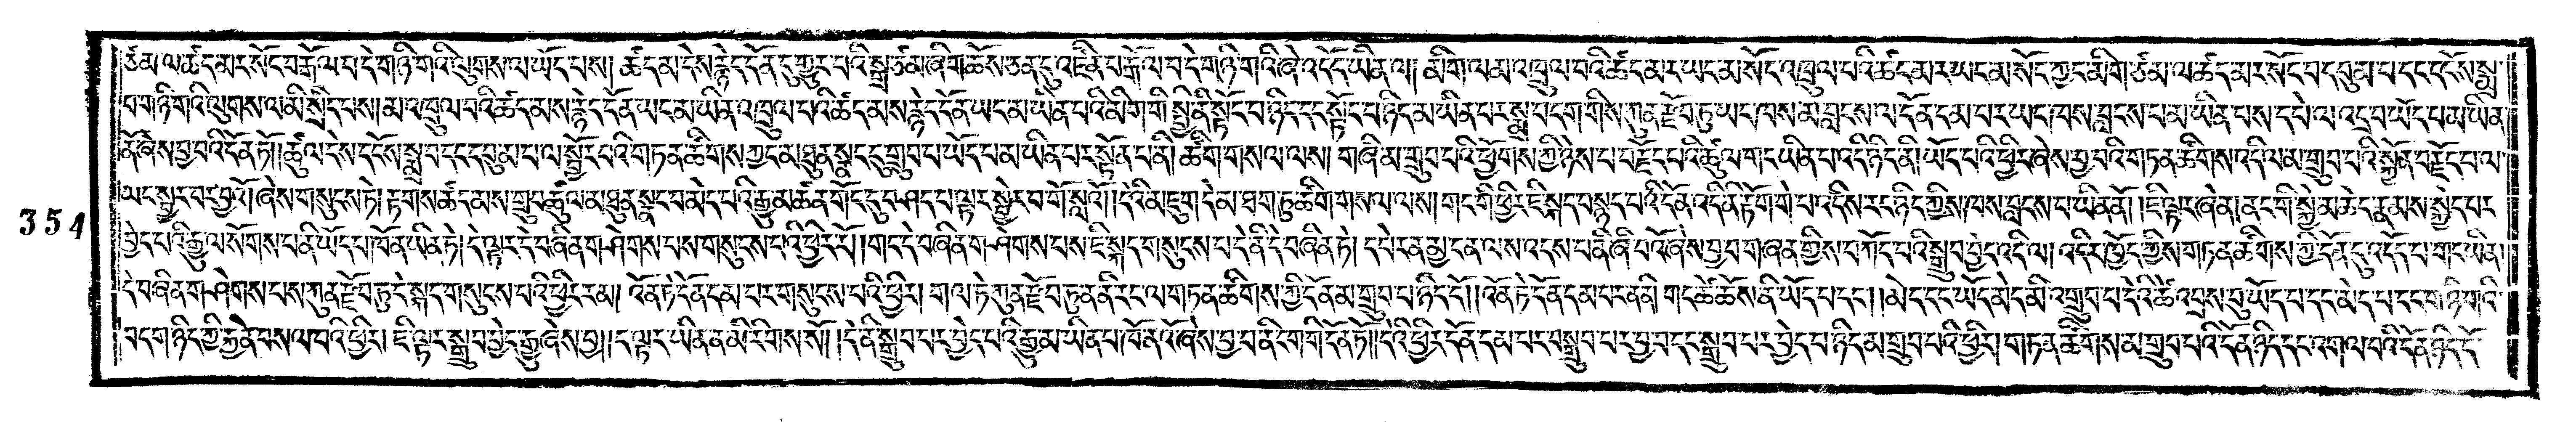ཙམ་ལ་ཚད་མར་སོང་བརྒོལ་བ་དེ་གཉི་གའི་ལུགས་ལ་ཡོད་པས། ཚད་མ་དེས་རྙེད་དོན་དུ་གྱུར་པའི་སྒྲ་ཙམ་ཞིག་ཆོས་ཅན་དུ་འཛིན་པ་རྒོལ་བ་དེ་གཉི་གའི་ཞེ་འདོད་ཡིན་ལ། མིག་ལམ་འཁྲུལ་བའི་ཚང་མར་ཡང་མ་སོང་འཁྲུལ་པའི་ཚང་མར་ཡང་མ་སོང་ཀྱང་མིག་ཙམ་ལ་ཚད་མར་སོང་བ་དབུམ་པ་དང་དངོས་སྨྲ་
བ་གཉི་གའི་ལུགས་ལ་མི་སྲིད་པས། མ་འཁྲུལ་བའི་ཚད་མས་རྙེད་དོན་ཡང་མ་ཡིན་འཁྲུལ་པའི་ཚད་མས་རྙེད་དོན་ཡང་མ་ཡིན་པའི་མིག་གི་སྤྱི་ནི་སྟོང་བ་ཉིད་དང་སྟོང་པ་ཉིད་མ་ཡིན་པར་སྨྲ་བ་དག་གིས་ཀུན་རྫོབ་ཏུ་ཡང་ཁས་མ་བླངས་ལ་དོན་དམ་པར་ཡང་ཁས་བླངས་པ་མ་ཡིན་པས་དཔེ་ལ་འདྲ་བ་ཡོད་པ་མ་ཡིན་
ནོ་ཞེས་བྱ་བའི་དོན་ཏོ། །ཚུལ་དེས་དངོས་སྨྲ་བ་དང་དབུ་མ་པ་ལ་སྦྱོར་བའི་གཏན་ཚིགས་ཀྱང་མཐུན་སྣང་དུ་གྲུབ་པ་ཡོད་པ་མ་ཡིན་པར་སྟོན་པ་ནི། ཚིག་གསལ་ལས། གཞི་མ་གྲུབ་པའི་ཕྱོགས་ཀྱི་ཉེས་པ་བརྗོད་པའི་ཚུལ་གང་ཡིན་པ་འདི་ཉིད་མི་ཡོད་པའི་ཕྱིར་ཞེས་བྱ་བའི་གཏན་ཚིགས་འདི་ལ་མ་གྲུབ་པའི་སྐྱོན་བརྗོད་པ་ལ་
ཡང་སྦྱར་བར་བྱའོ། ཞེས་གསུངས་ཏེ། རྟགས་ཚད་མས་གྲུབ་ཚུལ་མཐུན་སྣང་བ་མེད་པའི་རྒྱུ་མཚན་གོང་དུ་བཤད་པ་ལྟར་སྦྱེད་བ་གོ་སླའོ། །དེའི་མཇུག་དེ་མ་ཐག་ཏུ་ཚིག་གསལ་ལས། གང་གི་ཕྱིར་ཇི་སྐད་བསྙད་པའི་དོན་འདི་ནི་རྟོག་གེ་པ་འདིས་རང་ཉིད་ཀྱིས་ཁས་བླངས་པ་ཡིན་ནོ། །ཇི་ལྟར་ཞེ་ན། ནང་གི་སྐྱེ་མཆེད་རྣམས་སྐྱེད་པར་
བྱེད་པའི་རྒྱུ་ལ་སོགས་པ་ནི་ཡོད་པ་ཁོ་ན་ཡིན་ཏེ། དེ་ལྟར་དེ་བཞིན་གཤེགས་པས་གསུངས་པའི་ཕྱིར་རོ། །གང་དེ་བཞིན་གཤེགས་པས་ཇི་སྐད་གསུངས་པ་དེ་ནི་དེ་བཞིན་ཏེ། དཔེར་ན་མྱ་ངན་ལས་འདས་པ་ནི་ཞི་བའོ་ཞེས་བྱ་བ་གཞན་གྱིས་བཀོད་པའི་སྒྲུབ་བྱེད་འདི་ལ། འདིར་ཁྱོད་ཀྱིས་གཏན་ཚིགས་ཀྱི་དོན་དུ་འདོད་པ་གང་ཡིན།
དེ་བཞིན་གཤེགས་པས་ཀུན་རྫོབ་ཏུ་དེ་སྐད་གསུངས་པའི་ཕྱིར་རམ། འོན་ཏེ་དོན་དམ་པར་གསུངས་པའི་ཕྱིར། གལ་ཏེ་ཀུན་རྫོབ་ཏུ་ན་ནི་རང་ལ་གཏན་ཚིགས་ཀྱི་དོན་མ་གྲུབ་པ་ཉིད་དོ། །འོན་ཏེ་དོན་དམ་པར་ན་ནི། གང་ཚེ་ཆོས་ནི་ཡོད་པ་དང་། །མེད་དང་ཡོད་མེད་མི་འགྲུབ་པ་དེའི་ཚེ་འབྲས་བུ་ཡོད་པ་དང་མེད་པ་དང་གཉི་གའི་
བདག་ཉིད་ཀྱི་རྒྱེན་བསལ་བའི་ཕྱིར། ཇི་ལྟར་སྒྲུབ་བྱེད་རྒྱུ་ཞེས་བྱ། །ད་ལྟར་ཡིན་ན་མི་རིགས་སོ། །དེ་ནི་སྒྲུབ་པར་བྱེད་པའི་རྒྱུ་མ་ཡིན་པ་ཁོ་ནའོ་ཞེས་བྱ་བ་ནི་དག་གི་དོན་ཏོ། །དེའི་ཕྱིར་དོན་དམ་པར་བསྒྲུབ་པར་བྱ་བ་དང་སྒྲུབ་པར་བྱེད་པ་ཉིད་མ་གྲུབ་པའི་ཕྱིར། གཏན་ཚིགས་མ་གྲུབ་པའི་དོན་ཉིད་དང་འགལ་བའི་དོན་ཉིད་དོ་